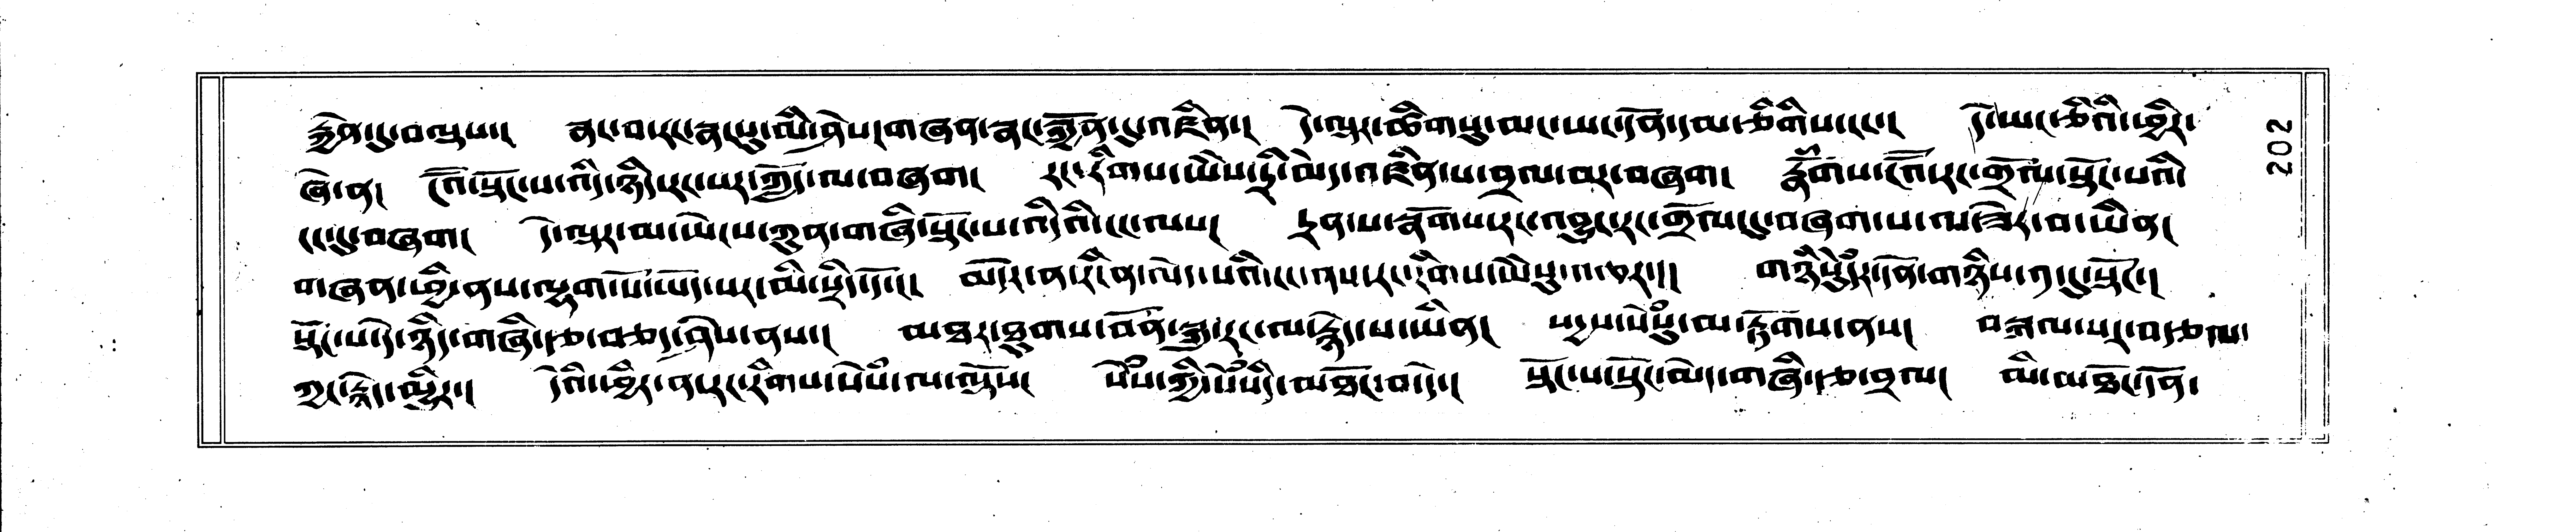སྐྱོན་དུ་བལྟའ། སྣང་བ་རང་སྣང་དུ་མི་ཤེས་གཞན་སྣང་སྐྱོན་དུ་འཛིན། དེ་ལྟར་ཚིགས་སུ་མང་ཡང་དོན་དམ་གཅིག་གིས་ངང་། དེ་ཡང་ཅི་ཕྱིར་
ཞེ་ན། ངོའོ་སྟོང་པ་འདི་ཉིད་རང་སར་ཀློད་ལ་བཞགས། རང་རིག་ཡེ་ཤེས་རྟོག་མེད་འཛིན་པ་དང་བྲལ་བར་བཞག རྣམ་རྟོག་ངོའོ་རང་གྲོལ་སྟོང་པའི་
ངང་དུ་བཞག དེ་ལྟར་མང་ཡང་ཀུན་གཞི་སྟོང་པ་འདི་ཉིད་ངང་ལ། དྲན་པ་སྣ་ཚོགས་རང་འབྱུང་རང་ཤར་རང་གྲོལ་དུ་བཞག་པ་ལ་ཟེར་བ་ཡིན། 
གཞན་ཕྱི་ན་ལྷག་པོ་ཡོད་པ་མི་སྲིད་དོ། མདོར་ན་རང་བཞིན་མེད་པའི་ངང་ལ་རང་རིག་འཆར། གཉིས་སུ་མེད་པར་དོན་དམ་གཅིག་ཏུ་སྟོང་། 
སྟོང་པ་དེ་ཉིད་ཀྱི་གཞི་རྩ་བཅད་ཤེས་ན། མཐར་ཐུགས་བོན་སྐུ་རང་ལ་རྙེད་པ་ཡིན། སངས་རྒྱས་སེམས་སུ་མ་རྟོགས་ན། སྐལ་པར་བཙལ་
ཡང་སྙེད་‘‘རྙེད”མི་འགྱུར་། དེ་ཕྱིར་རང་རིག་སེམས་ལ་ལྟོས། སེམས་ཀྱི་སེམས་ཉིད་མཐོང་པ་དེ། སྟོང་ལ་རྟོག་མེད་གཞི་རྩ་བྲལ། མི་མཐོང་དོན་